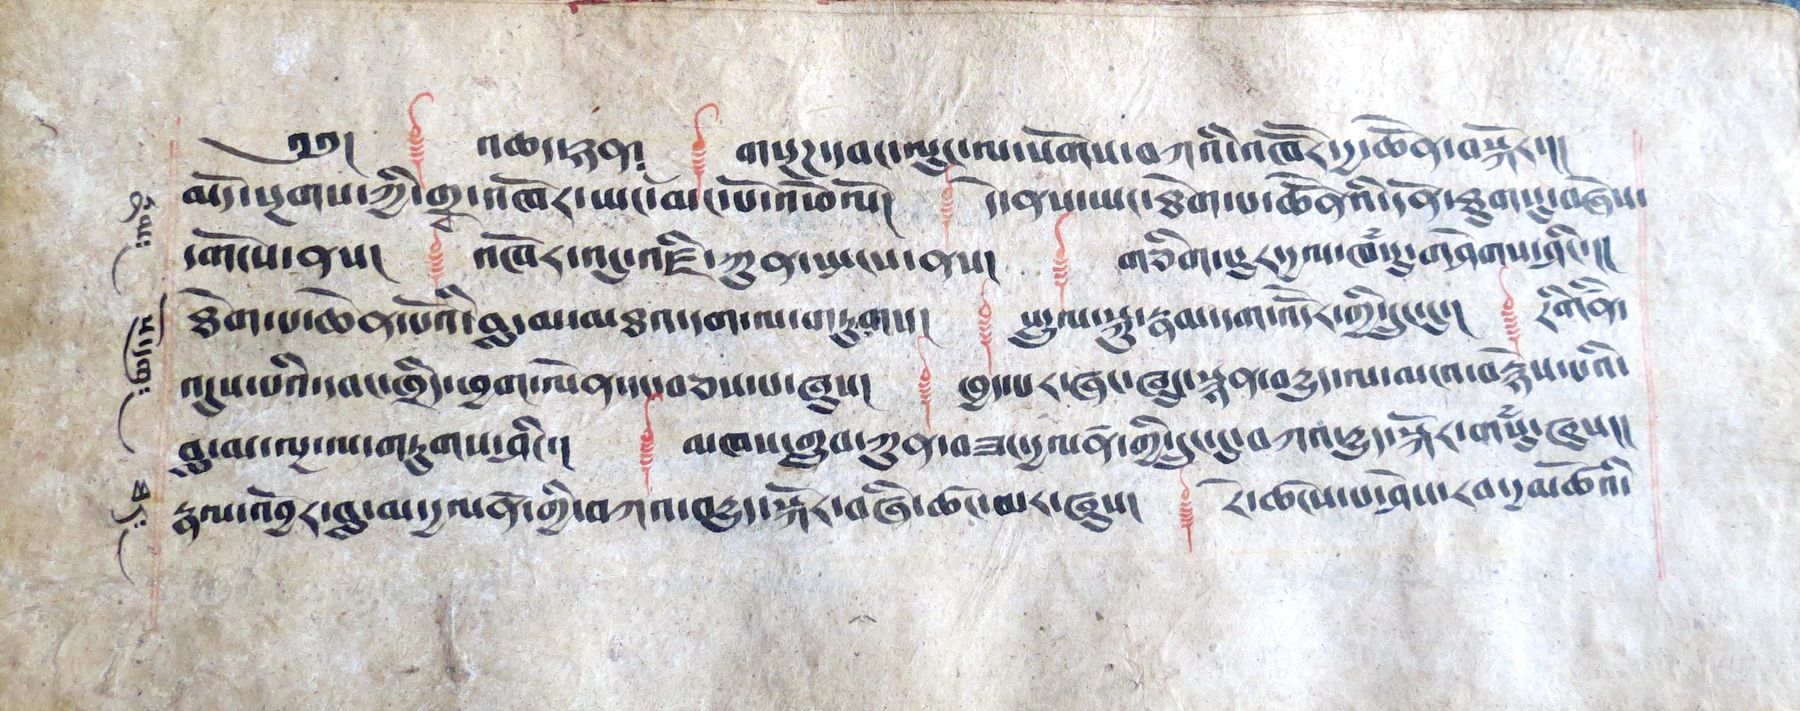འཆད་ཉན། གསང་སྔགས་ཀྱི་དབང་ལུང་ལ་སོགས་བཀའ་འཁོར་རྒྱ་ཆེན་པོ་བསྐོར། 
མདོ་སྔགས་ཀྱི་གྲྭ་འཁོར་ཡང་མང་པོ་འཕེལ་ལོ། ། དེ་ནས་ཡང་ཐེག་པ་ཆེན་པོའི་དོན་ཐུགས་སུ་བཞེས་
དགོངས་ནས། འཁོར་འདུ་འཛི་ཀུན་སྤངས་ནས། གཅིག་པུར་རྒྱལ་ཁམས་སུ་གཤེགས་ཤིང་། 
ཐེག་པ་ཆེན་པོའི་བླ་མ་མཐའ་དག་ལ་གཏུགས། སྤྲུལ་སྐུ་རྣམ་དག་འོད་ཟེར་གྱི་དྲུང་དུ་རིག་འཛིན་
འདུས་པའི་དབང་ཁྲིད་ཕྱག་ལེན་དང་བཅས་པ་ཞུས། ཁྱད་པར་ཞང་ཞུང་སྙན་རྒྱུད་ལ་མངའ་བརྙེས་པའི་
བླ་མ་ལྔ་ལ་གཏུགས་ཤིང་མཁས་གྲུབ་ཀུན་བཟང་རྒྱལ་མཚན་གྱི་དྲུང་དུ་བཀའ་རྒྱུད་སྐོར་གསུམ་ཞུས། 
རྣལ་འབྱོར་བླ་མ་རྒྱལ་མཚན་གྱི་བཀའ་རྒྱུད་སྐོར་བཞི་ཚང་མར་ཞུས། རེ་ཚང་ཤེས་རབ་རྒྱ་མཚོའི་